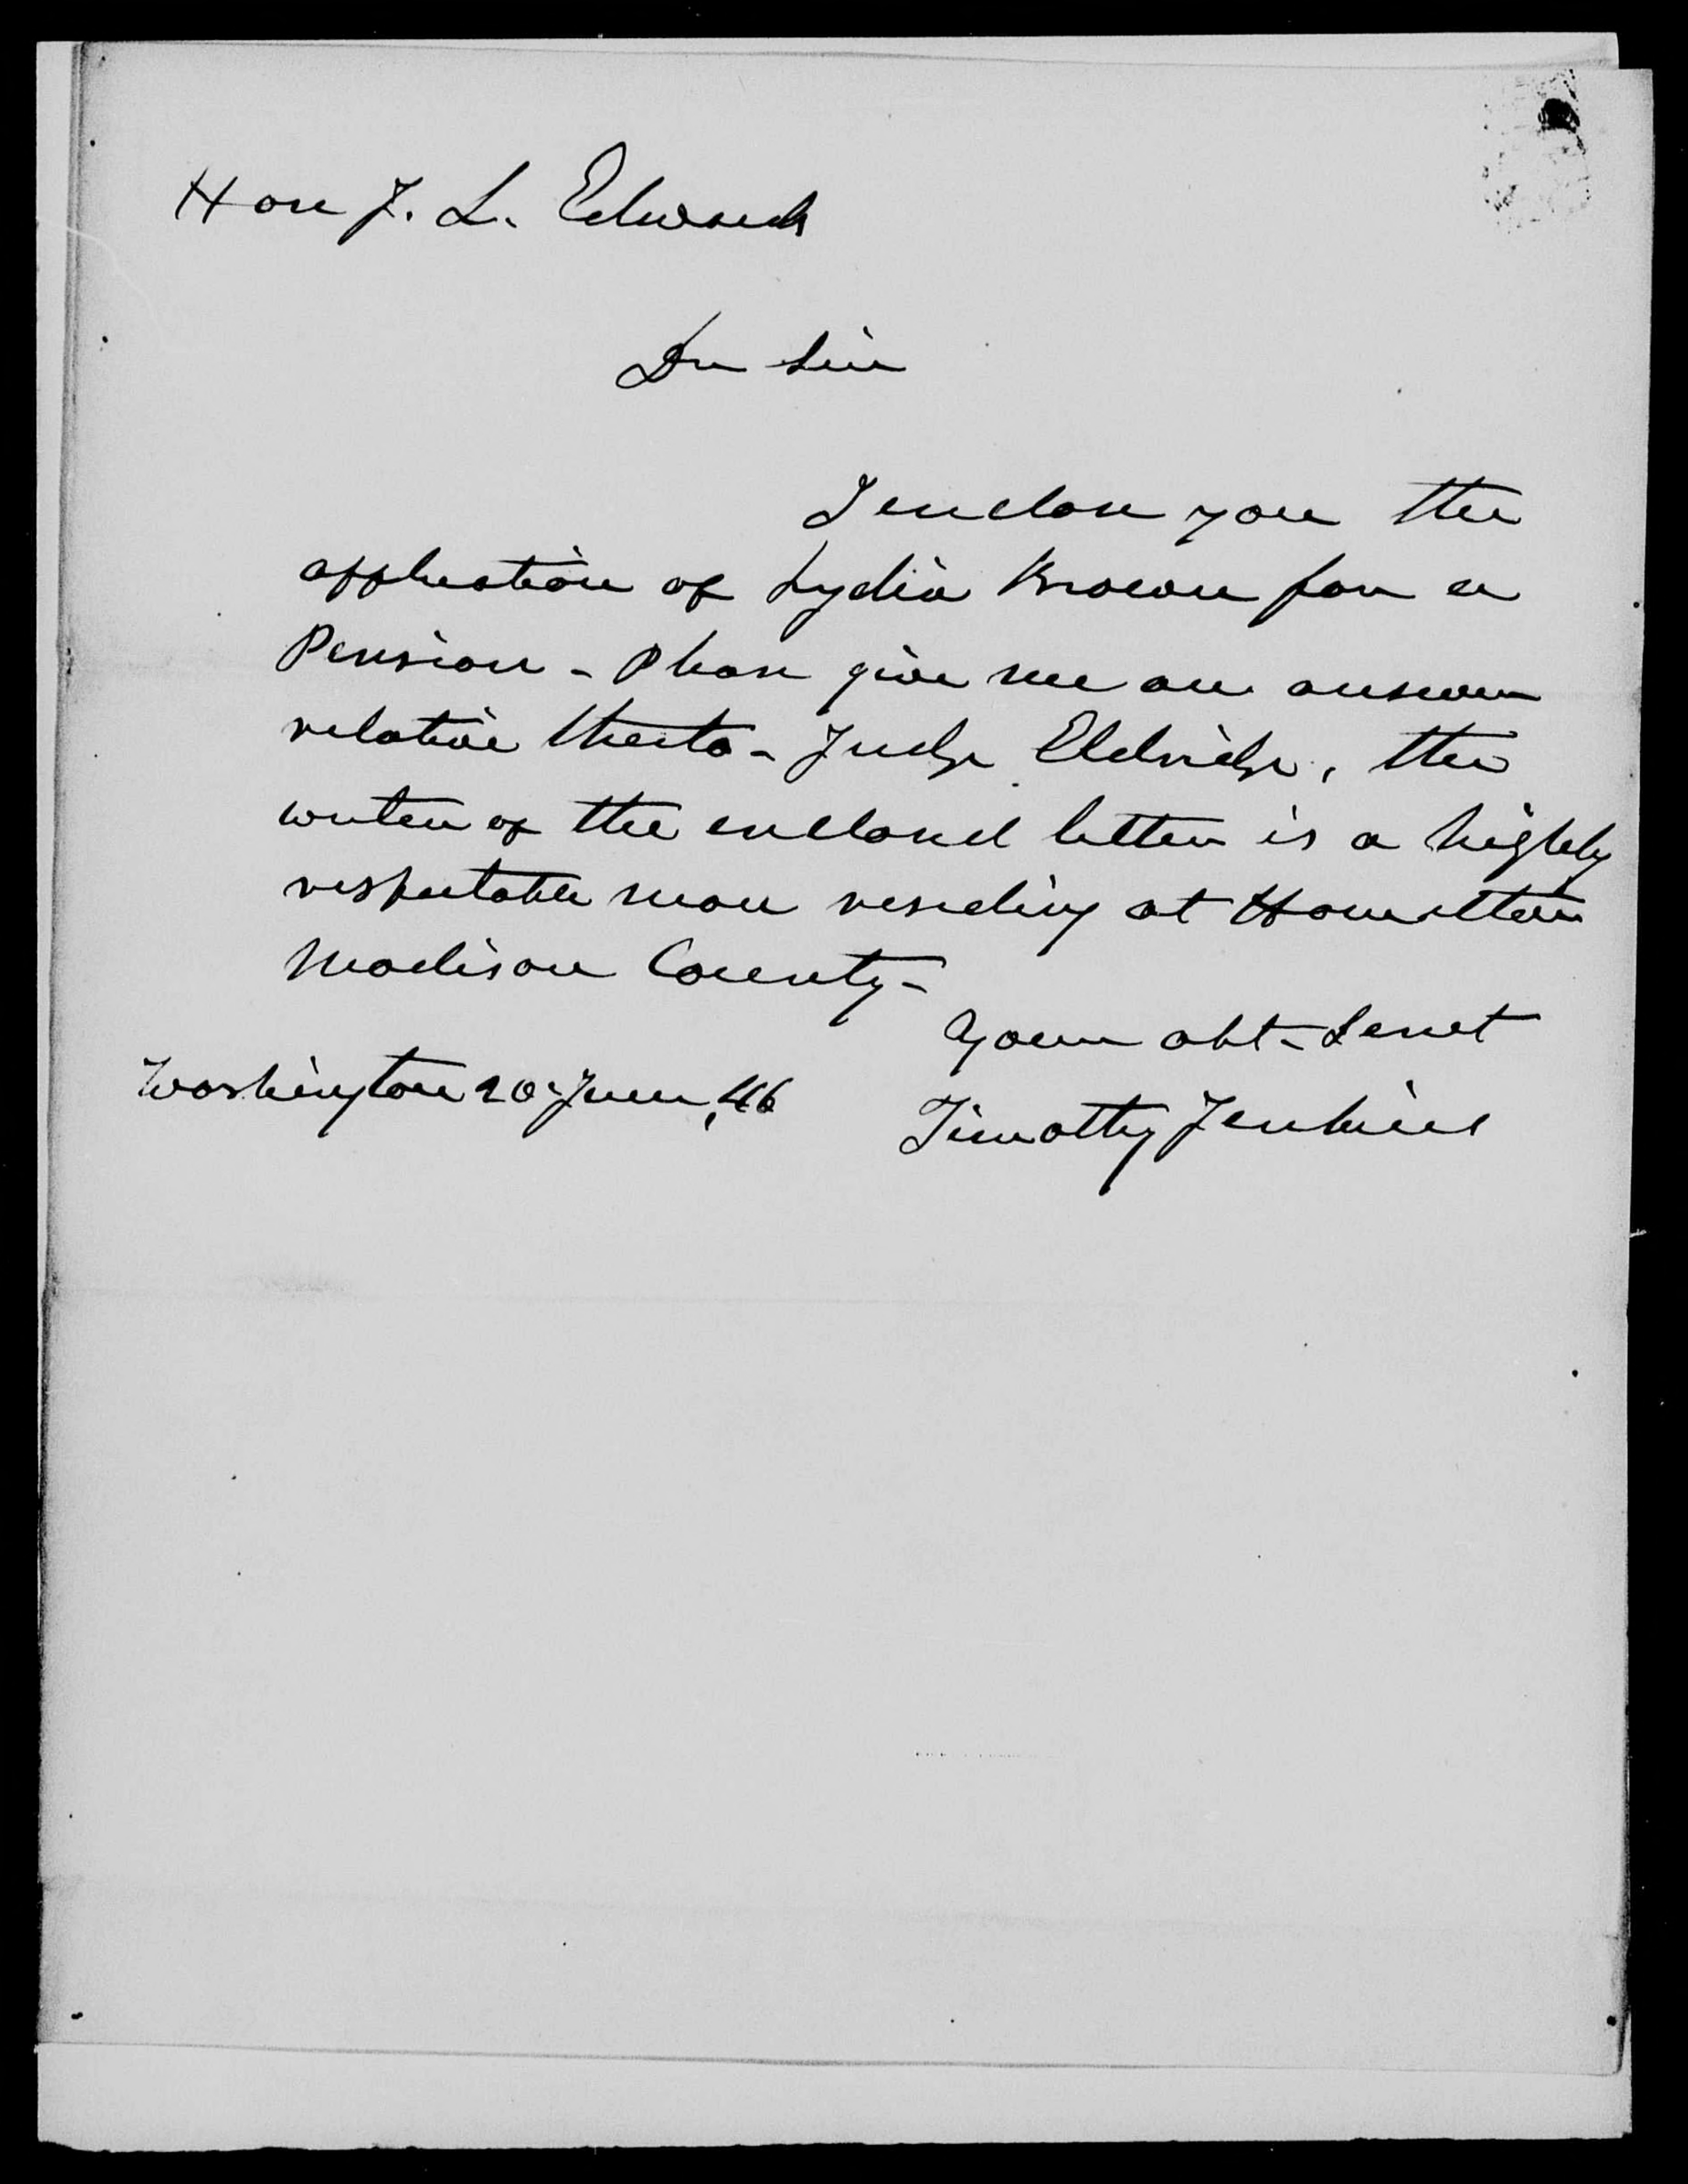Hon J. L. Edward
Dear Sir
I enclose you the application of Lydia Brown for a
Pension - Please give me an answer relative thereto  Judge Eldridge, the writer of the enclosed letter is a highly
respectable man residing at Hamilton Madison County-

Your obt sevt
Timothy Jenkins

Washington 20 Tue, 1846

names: Eldridge, Timothy Jenkins, J L Edwards, Lydia Brown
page: 37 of 37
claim: widow's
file: W. 20,787, Daniel Brown, Conn. Navy.